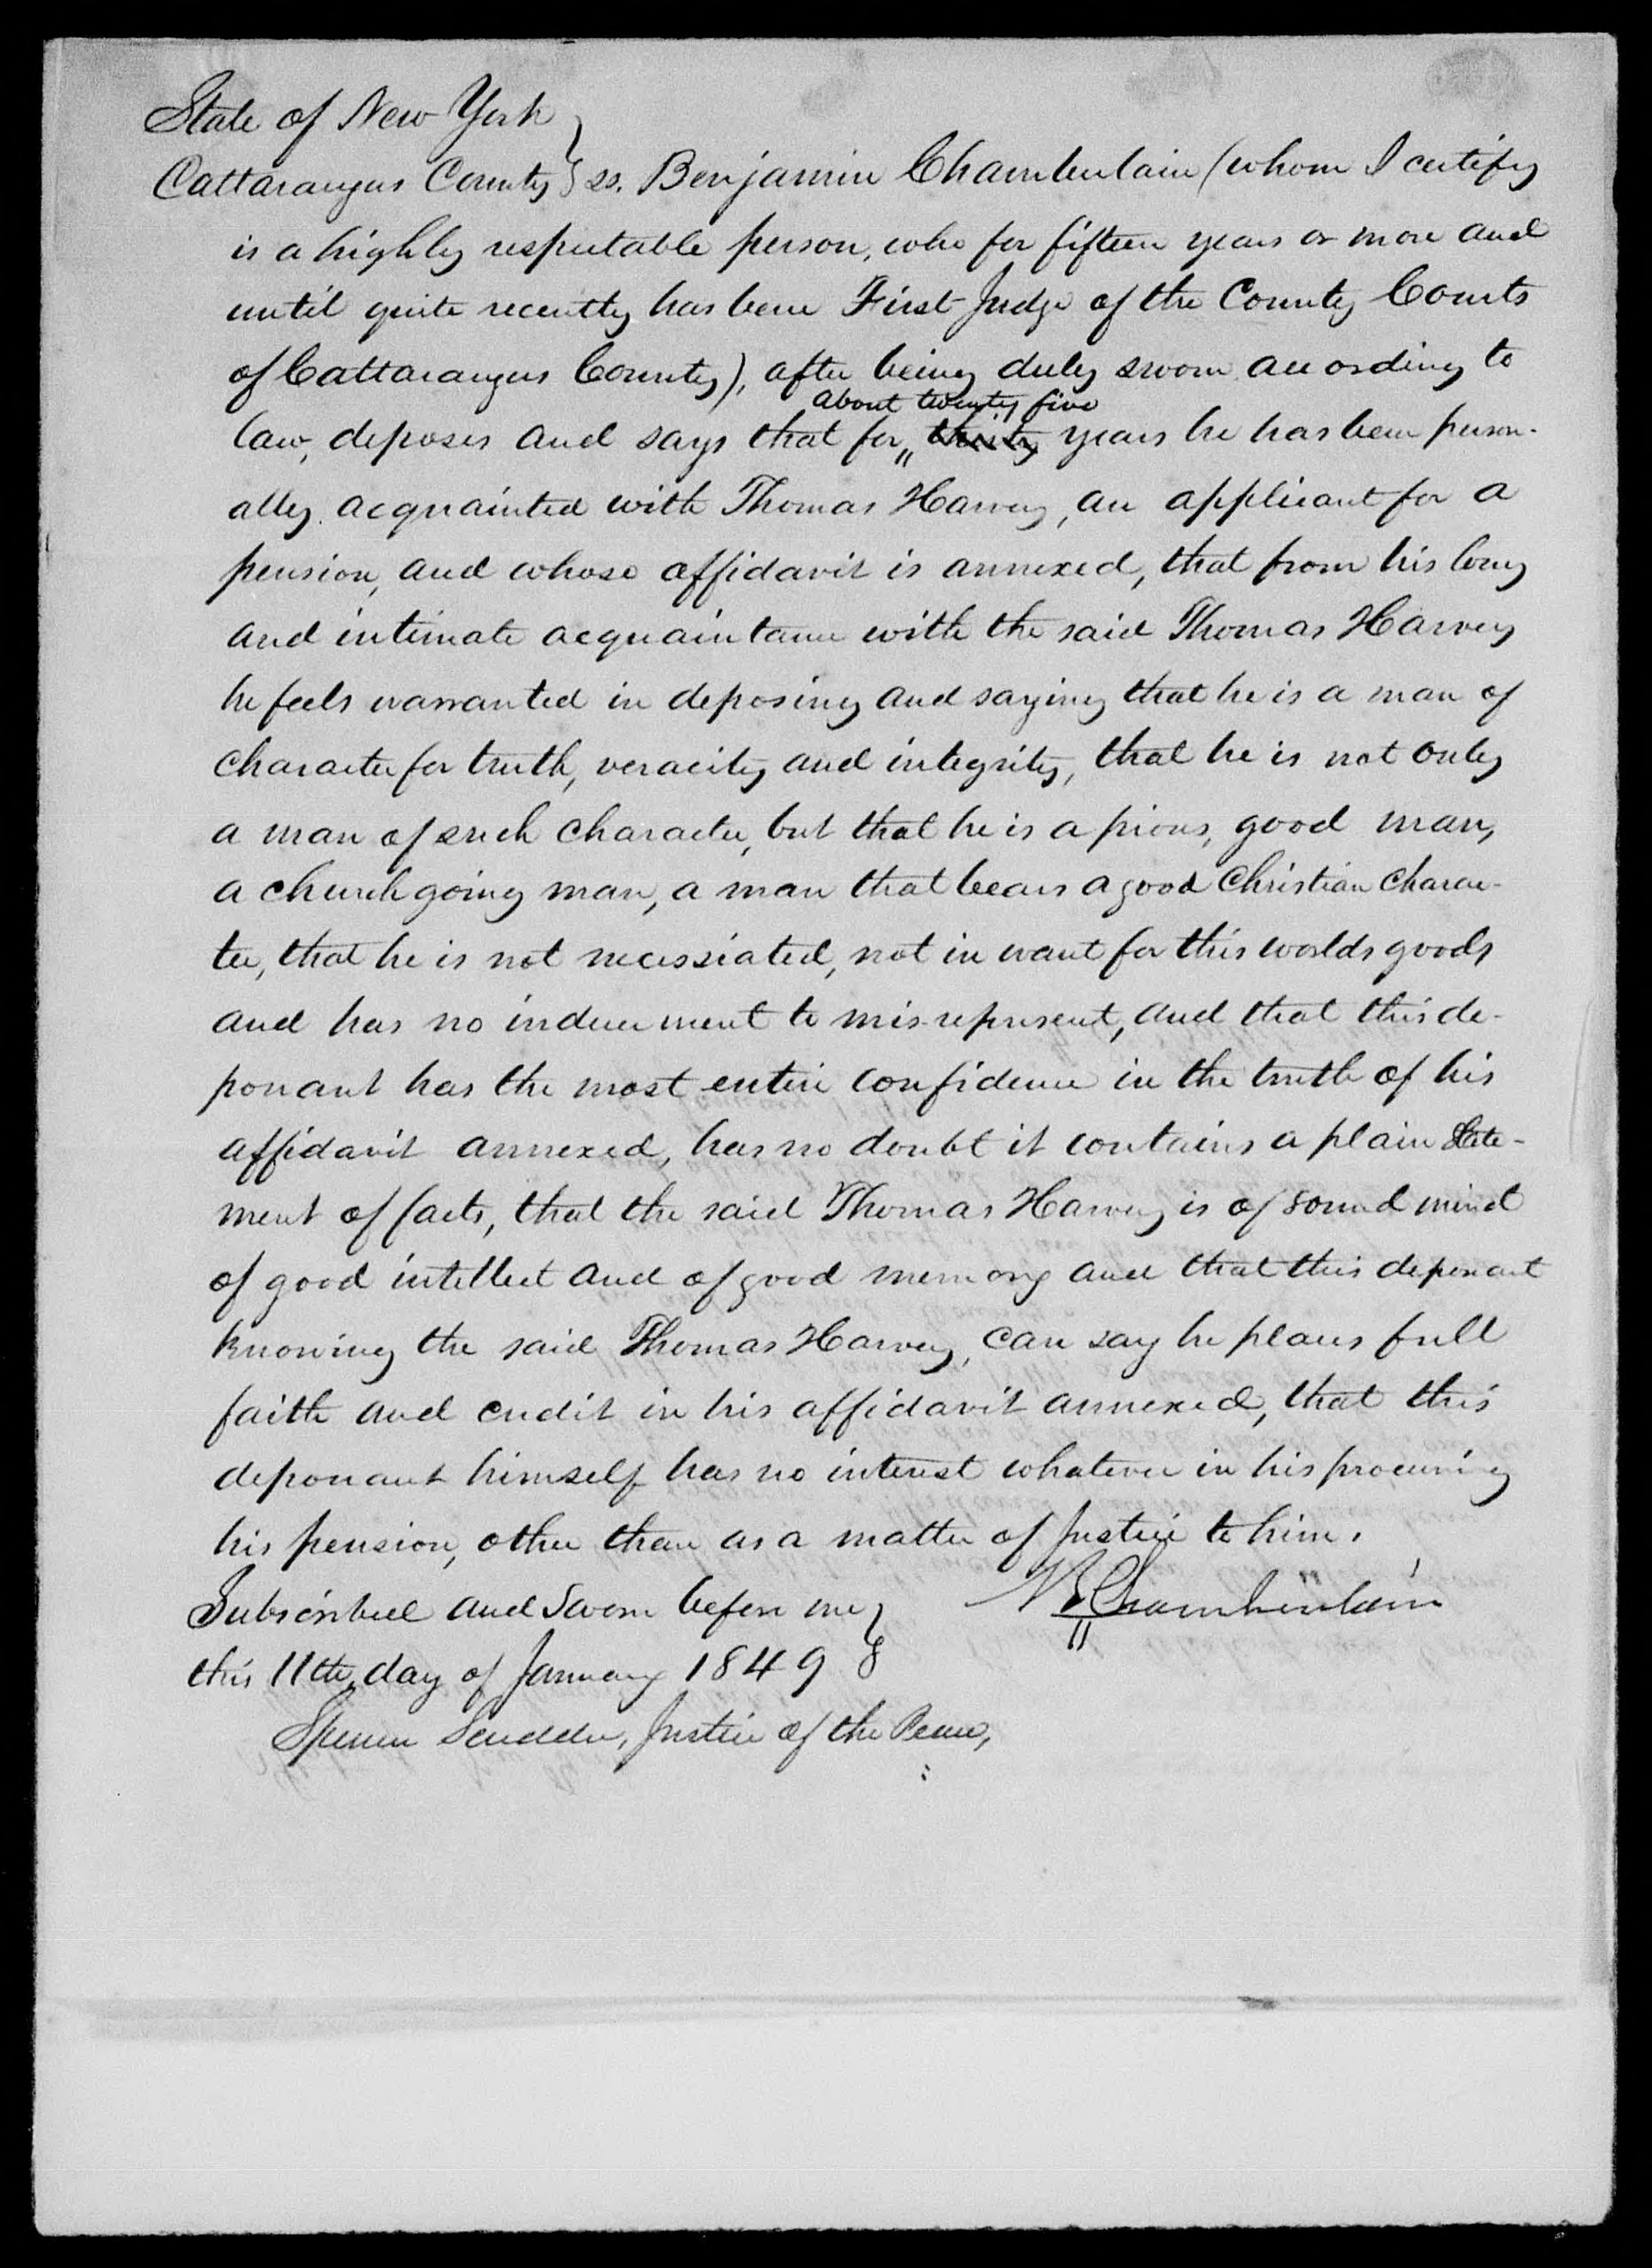State of New York 
Cattaraugus County} ss. Benjamin Chamberlain (whom I certify is a highly respectable person, who for fifteen years or more and until quite recently has been First Judge of the County Courts of Cattaraugus County), after being duly sworn, according to law, deposes and says that for ['thirty' crossed out] about twenty five years he has been personally acquainted with Thomas Harvey, an applicant for a pension, and whose affidavit is annexed, that from his long and intimate acquaintance with the said Thomas Harvey he feels warranted in deposing and saying that he is a man of character for truth, veracity and integrity, that he is not only a man of such character, but that he is a pious, good man, a churchgoing man, a man that bears a good Christian character, that he is not necessitated, not in want for this world's goods and has no inducement to misrepresent, and that this deponant has the most entire confidence in the truth of his affidavit annexed, has no doubt it contains a plain statements of facts, that the said Thomas Harvey is of sound mind, of good intellect and of good memory and that this deponant knowing the said Thomas Harvey, can say he places full faith and credit in his affidavit annexed, that this deponant himself has no interest whatever in his procuring his pension, other than as a matter of Justice to him. 
/s/B. Chamberlain
Subscribed and sworn before me this 11th day of January 1849}
/s/Spencer Scudder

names: Thomas Harvey, B Chamberlain, Spencer Scudder, Thomas Harvey, Thomas Harvey, Benjamin Chamberlain, Thomas Harvey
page: 75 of 80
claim: survivor's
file: S. 18008, Thomas Harvey, N.H.